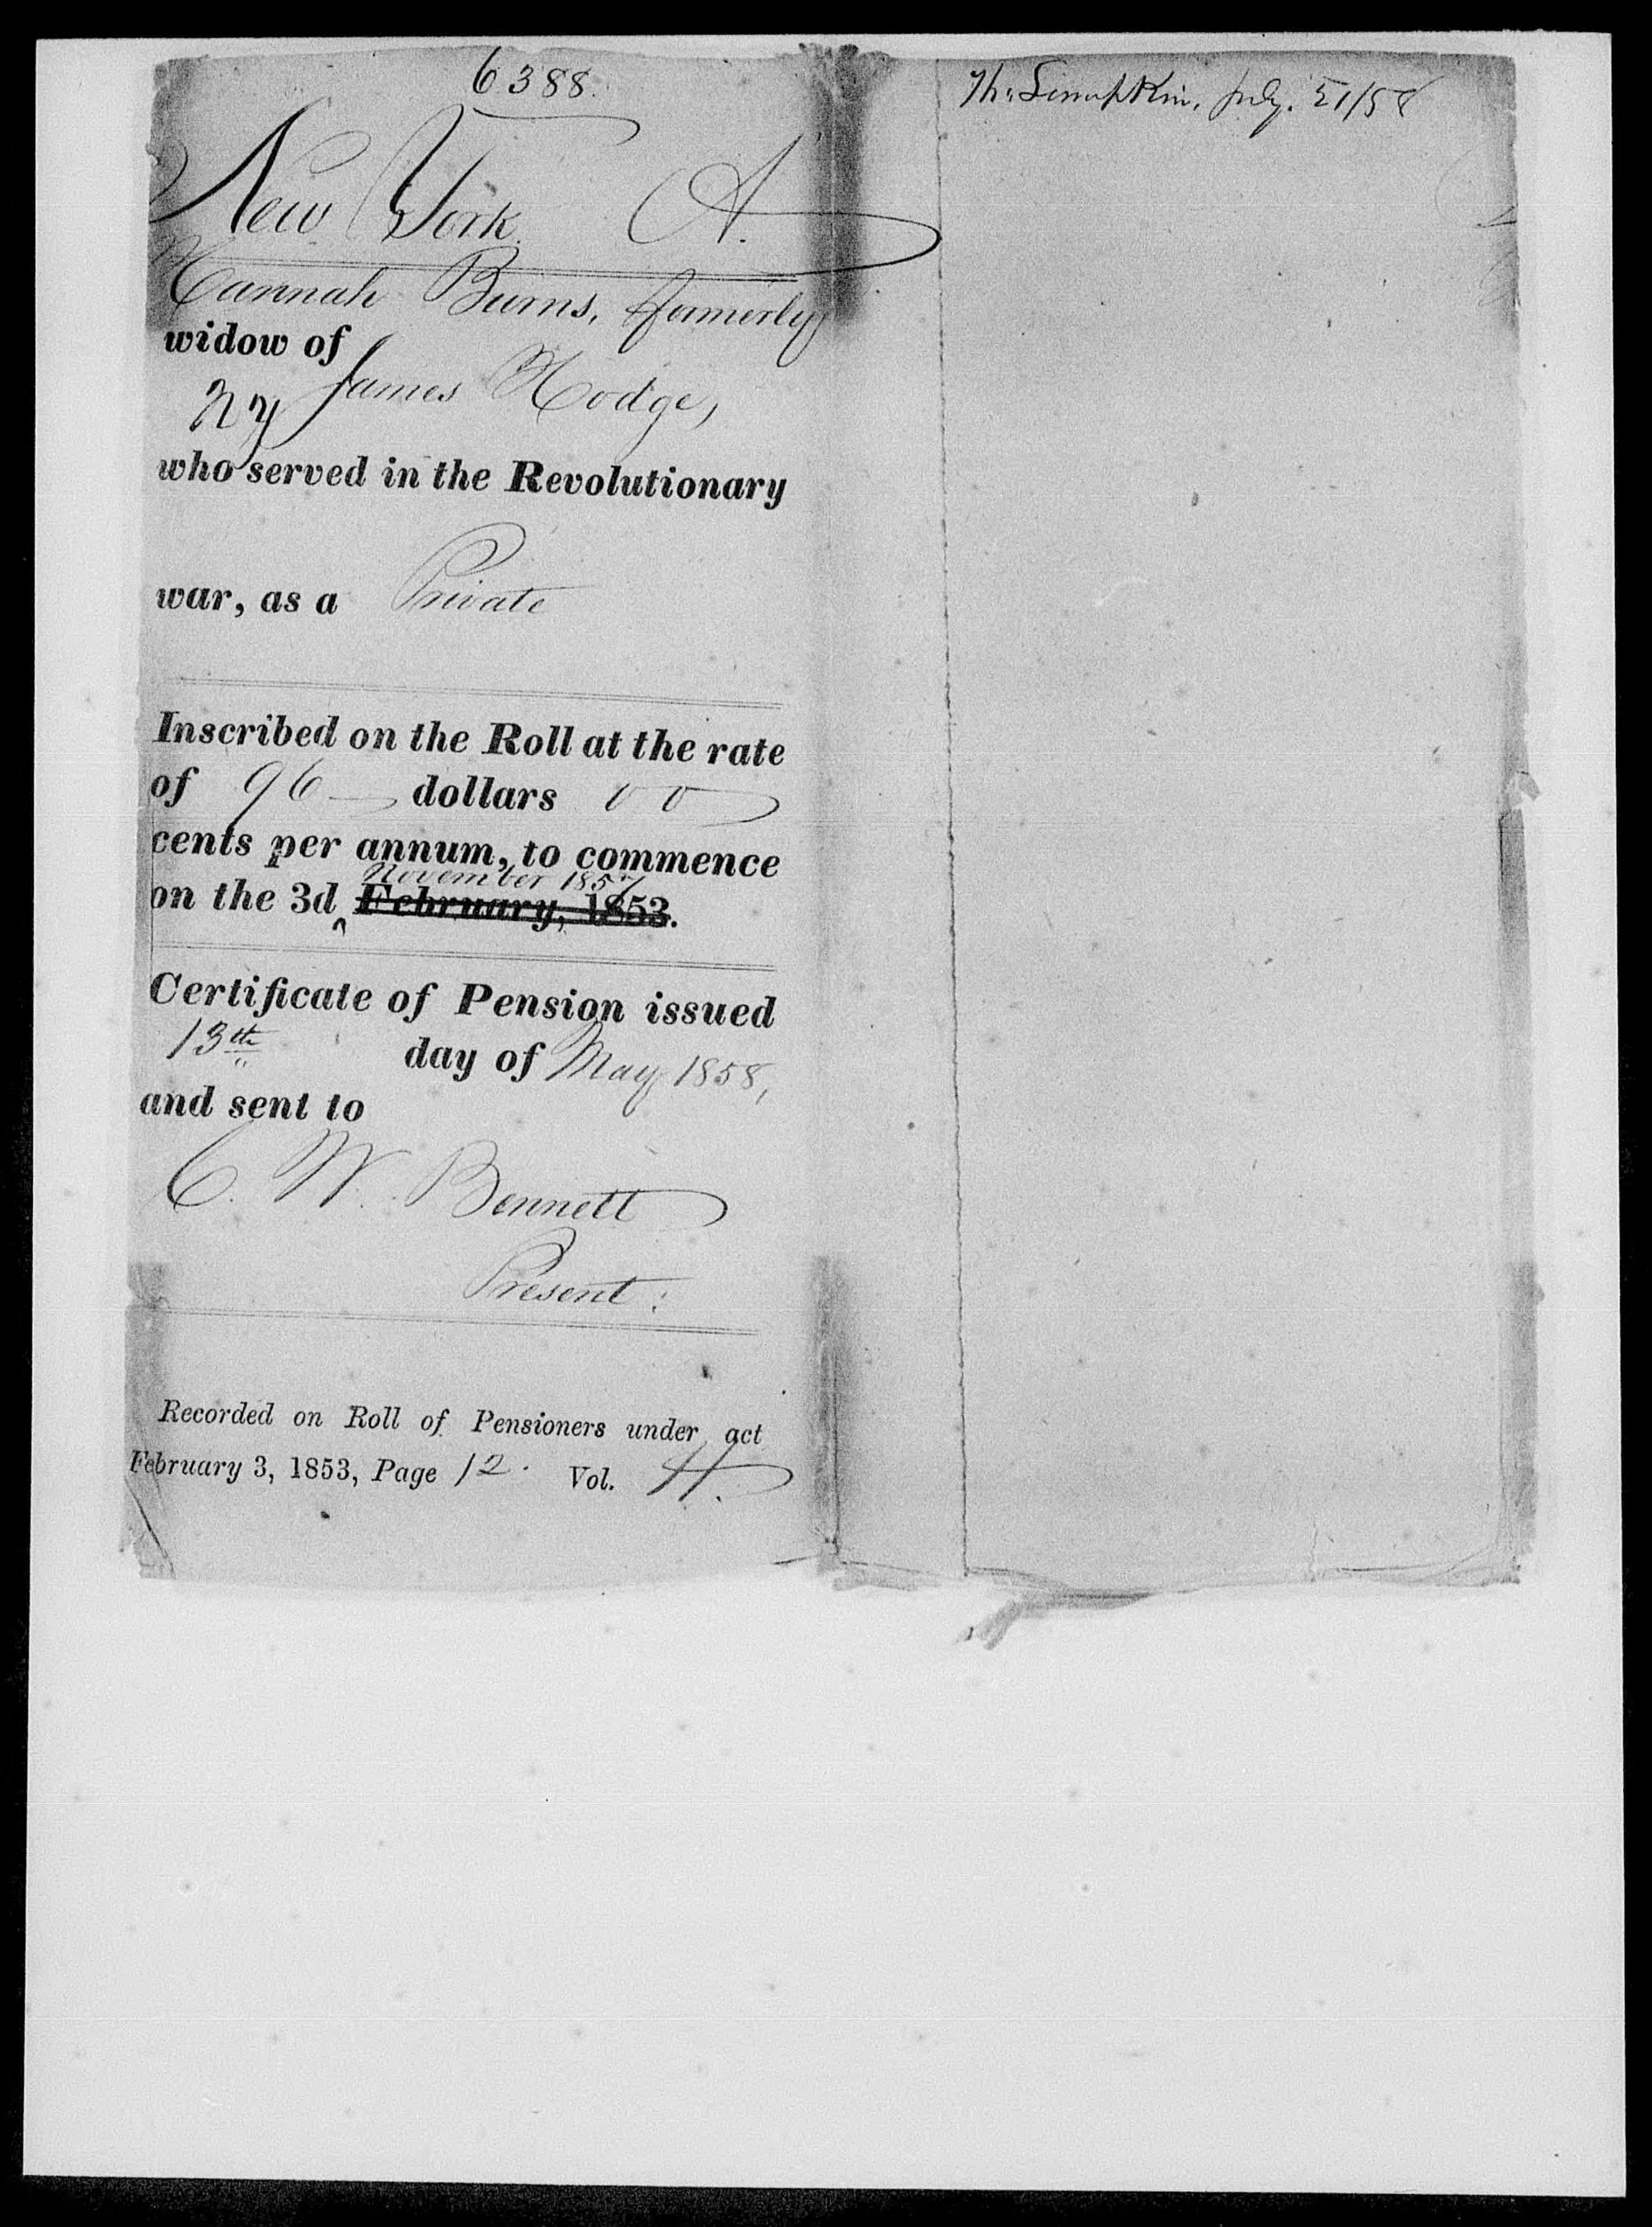6388.
New York. A.
Hannah Burns, formerly
widow of James Hodge, ny
who served in the Revolutionary
war, as a Private
Inscribed on the Roll at the rate 
of 96 dollars 00
cents per annum, to commence
on the 3d February, 1853.[crossed out] November 1857
Certificate of Pension issued
13th day of May 1858, 
and sent to 
C. W. Bennet
Present:
Recorded on Rol of Pensioners under act
February 3, 1853, Page 12. Vol H.

7h. [illegible] july. 51/58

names: Hannah Burns, Tho Lumpkin, C W Bennett, James Hodge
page: 14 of 48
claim: widow's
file: W. 10476, James Hodge, New York